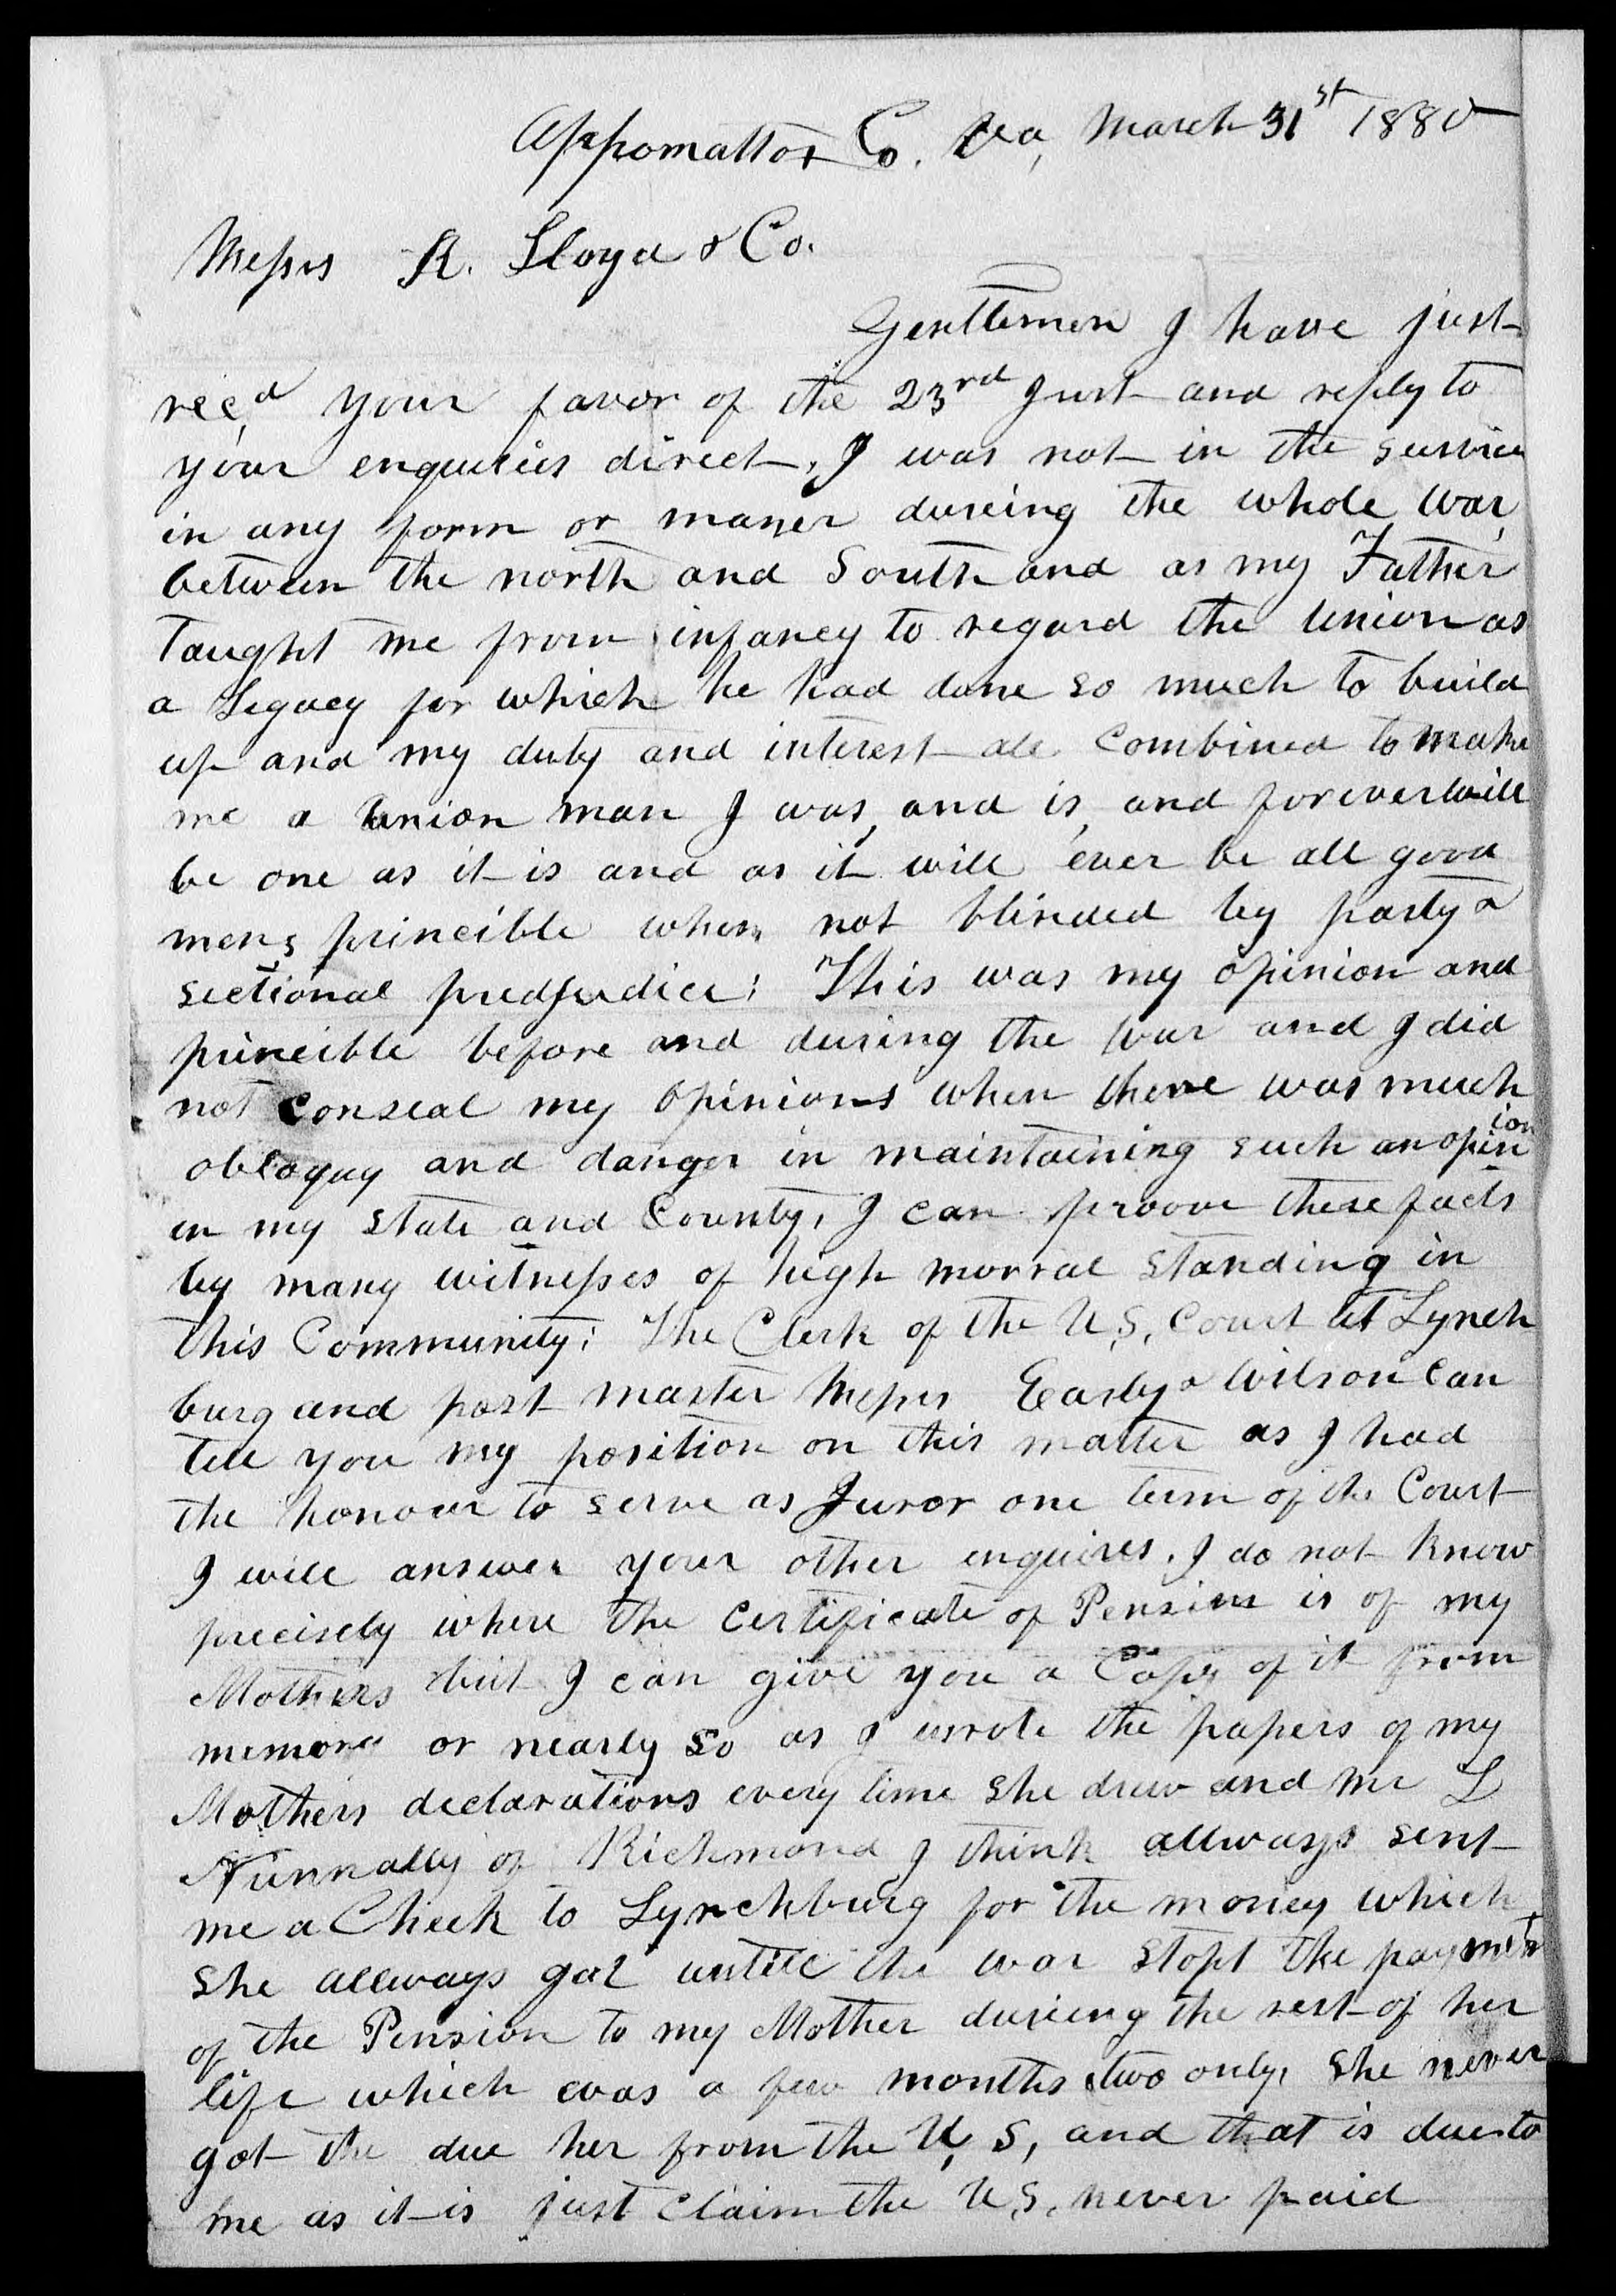Appomattox Co. Va. March 31st 1880
Messes R. Lloyd & Co.
Gentlemen I have just
rec,d your favor of the 23rd Just and reply to
your enquiries direct. I was not in the service
in any form or maner during the whole war,
between the north and South and as my Father
taught me from infancy to regard the union as
a Legacy for which he had done so much to build
up and my duty and interest all combined to make
me a Union man I was, and is, and forever will
be one as it is and as it will ever be all good
mens princible when not blinded by party or
sectional predjudice: This was my opinion and
princible before and during the war and I did
not conseal my opinions when there was much
obligay and danger in maintaining such an opinion
in my state and County, I can proove these facts
by many witnesses of high morral standing in
this Community: The Clerk of the U.S. Court at Lynchburg
and post master Messrs Early a Wilson can
tell you my position on this matter as I had
the honour to serve as Juror one term of the Court
I will answer your other enquires. I do not know
precisely where the certificate of Pension is of my
Mothers but I can give you a copy of it from
memory or nearly so as I wrote the papers of my
Mothers declarations every time she drew and Mr L
Nunnally of Richmond I think allways sent
me a Check to Lynchburg for the money which
she allways got untill the war stopt the payments
of the Pension to my Mother durieng the rest of her
life which was a few months two only, She never
got the due her from the U.S. and that is due to
me as it is just claim the U.S. never paid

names: W Lynch; R Lloyd; L Nunnally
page: 33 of 50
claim: widow's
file: W. 1929, for Lloyd Portwood, Virginia